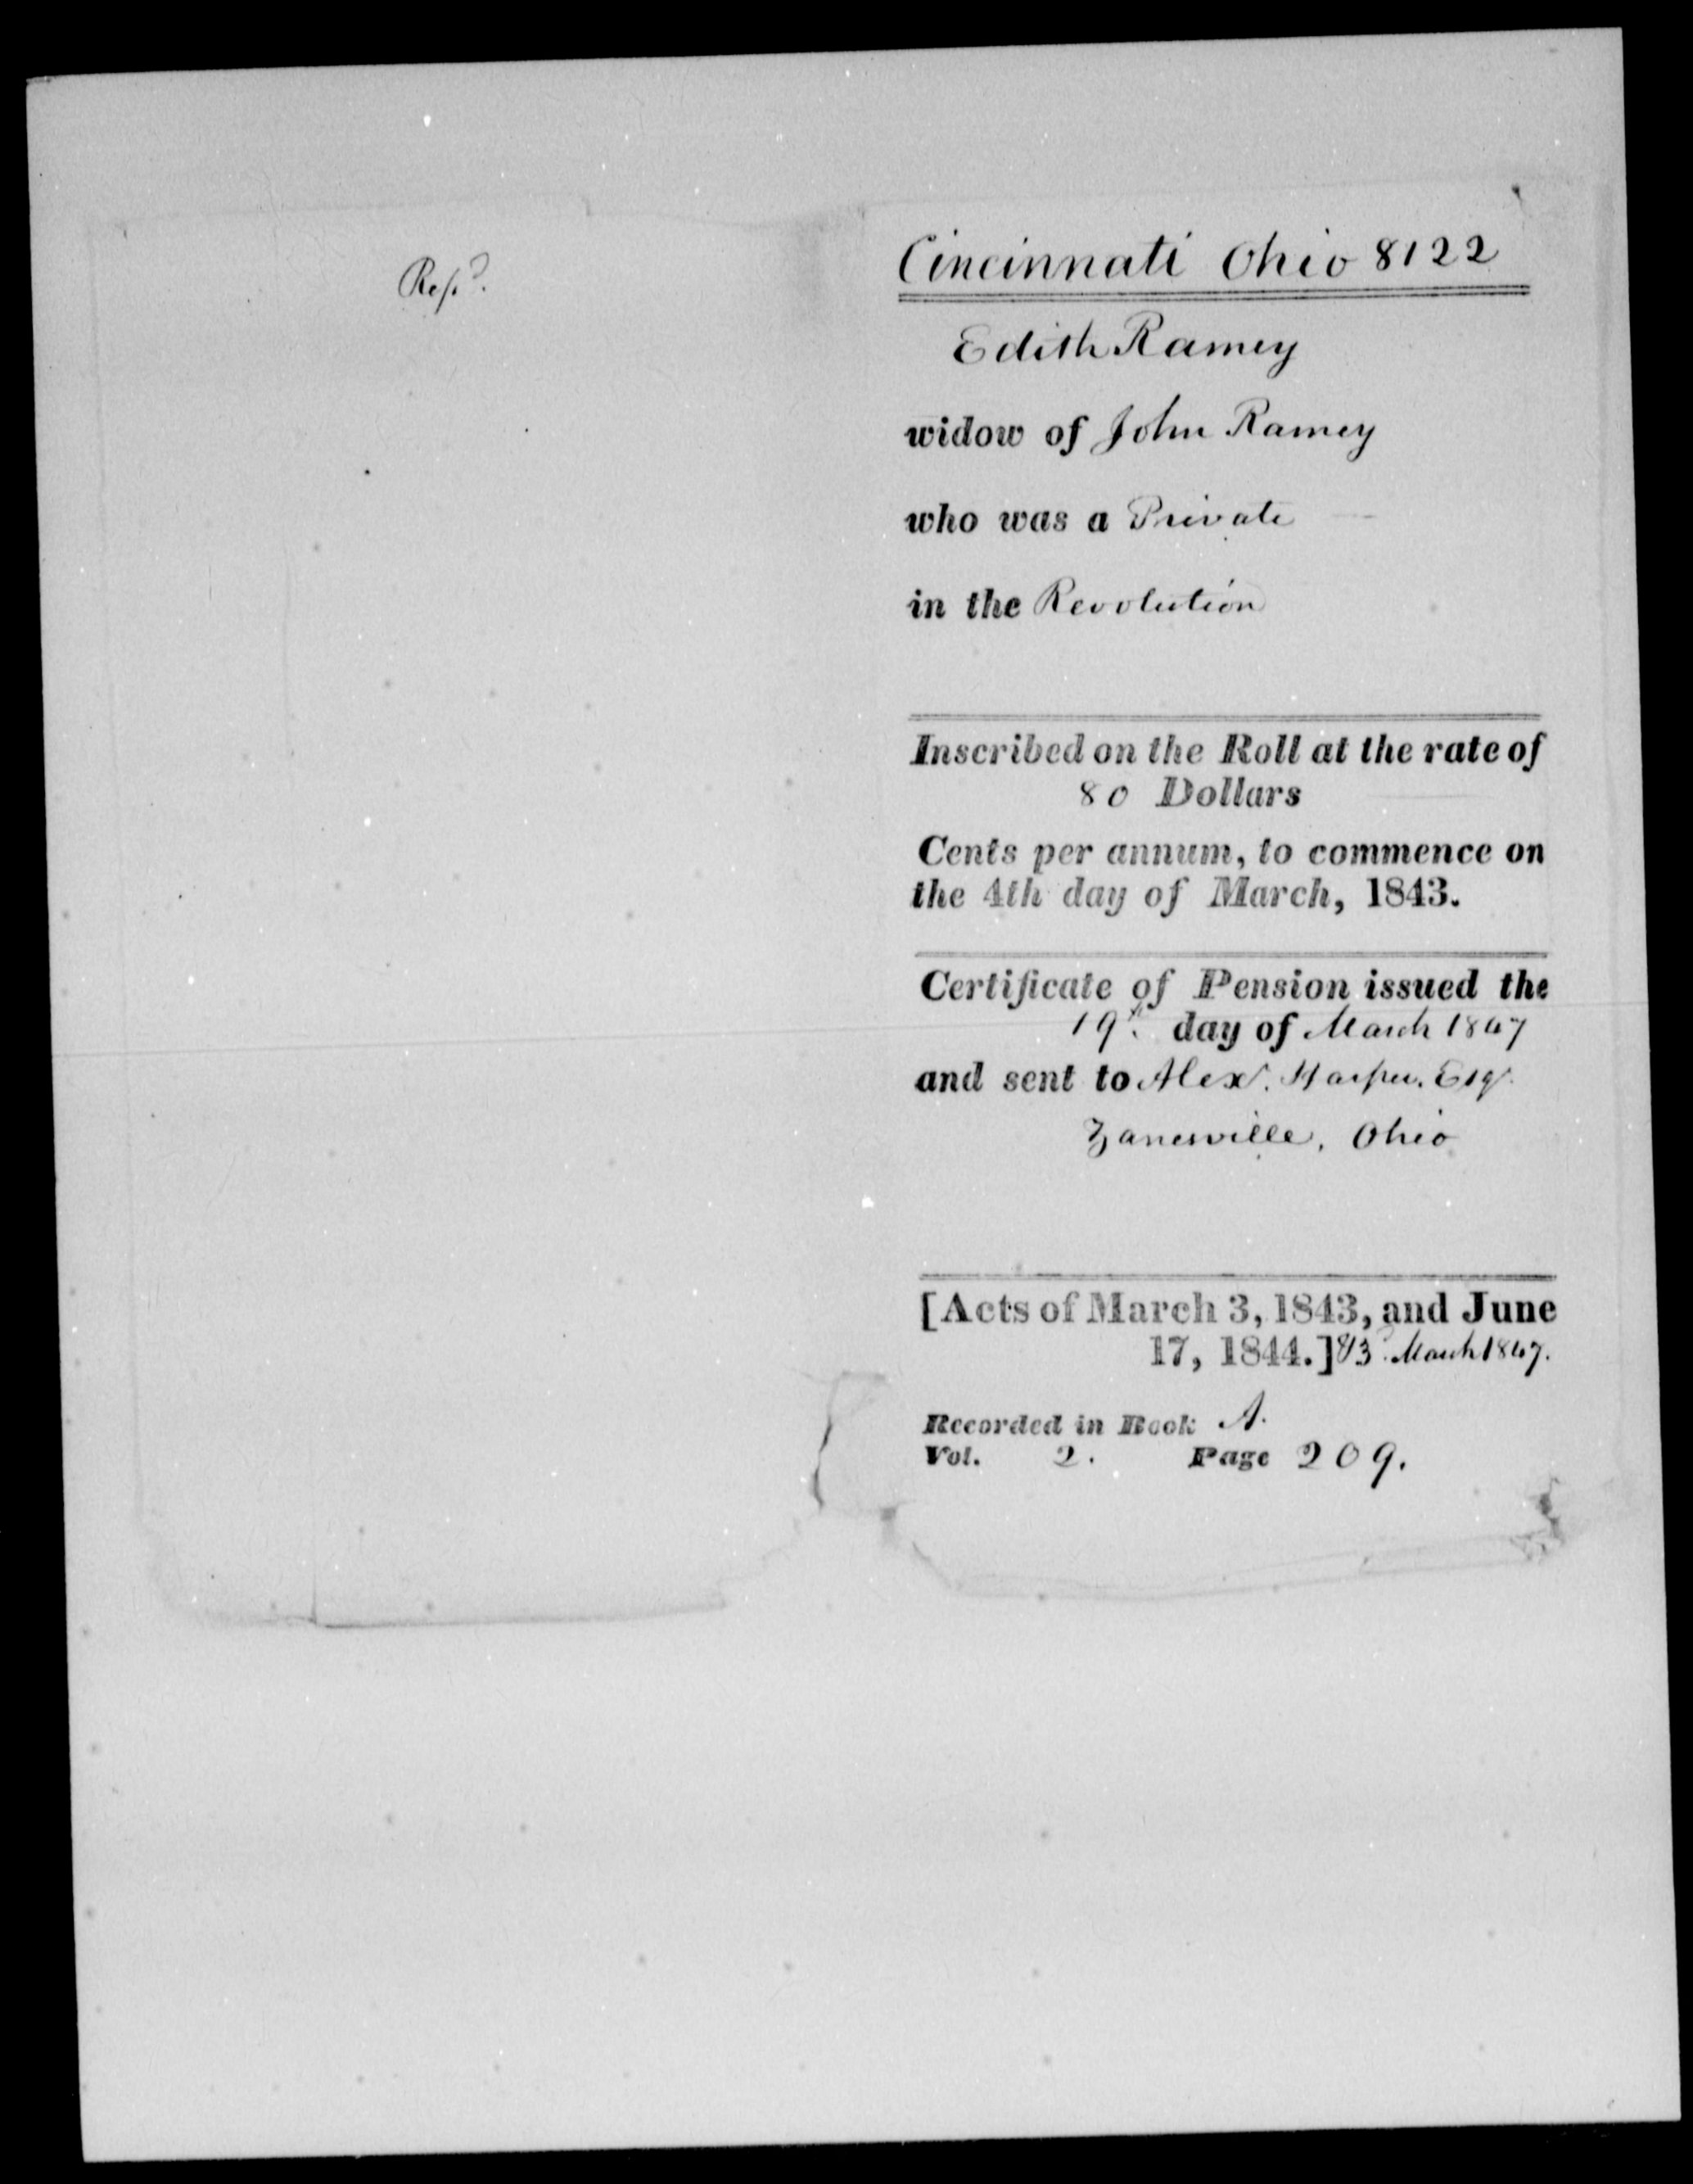Repd. Cincinnati Ohio 8122
Edith Ramey
widow of John Ramey
who was a Private
in the Revolution
Inscribed on the Roll at the rate of
80 Dollars - Cents per annum, to commence on the 4th day of March, 1843.
Certificate of Pension issued the 19th day of March 1847 and sent to Alexr. Harper, Esq.
Zanesville, Ohio
(Acts of March 3, 1843, and June 17, 1844.) & 3d March 1847.
Recorded in Book A.
Vol. 2. Page 209.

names: Alexr Harper; John Ramey; Edith Ramey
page: 28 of 84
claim: widow's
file: W.11104, for John Remay, Virginia